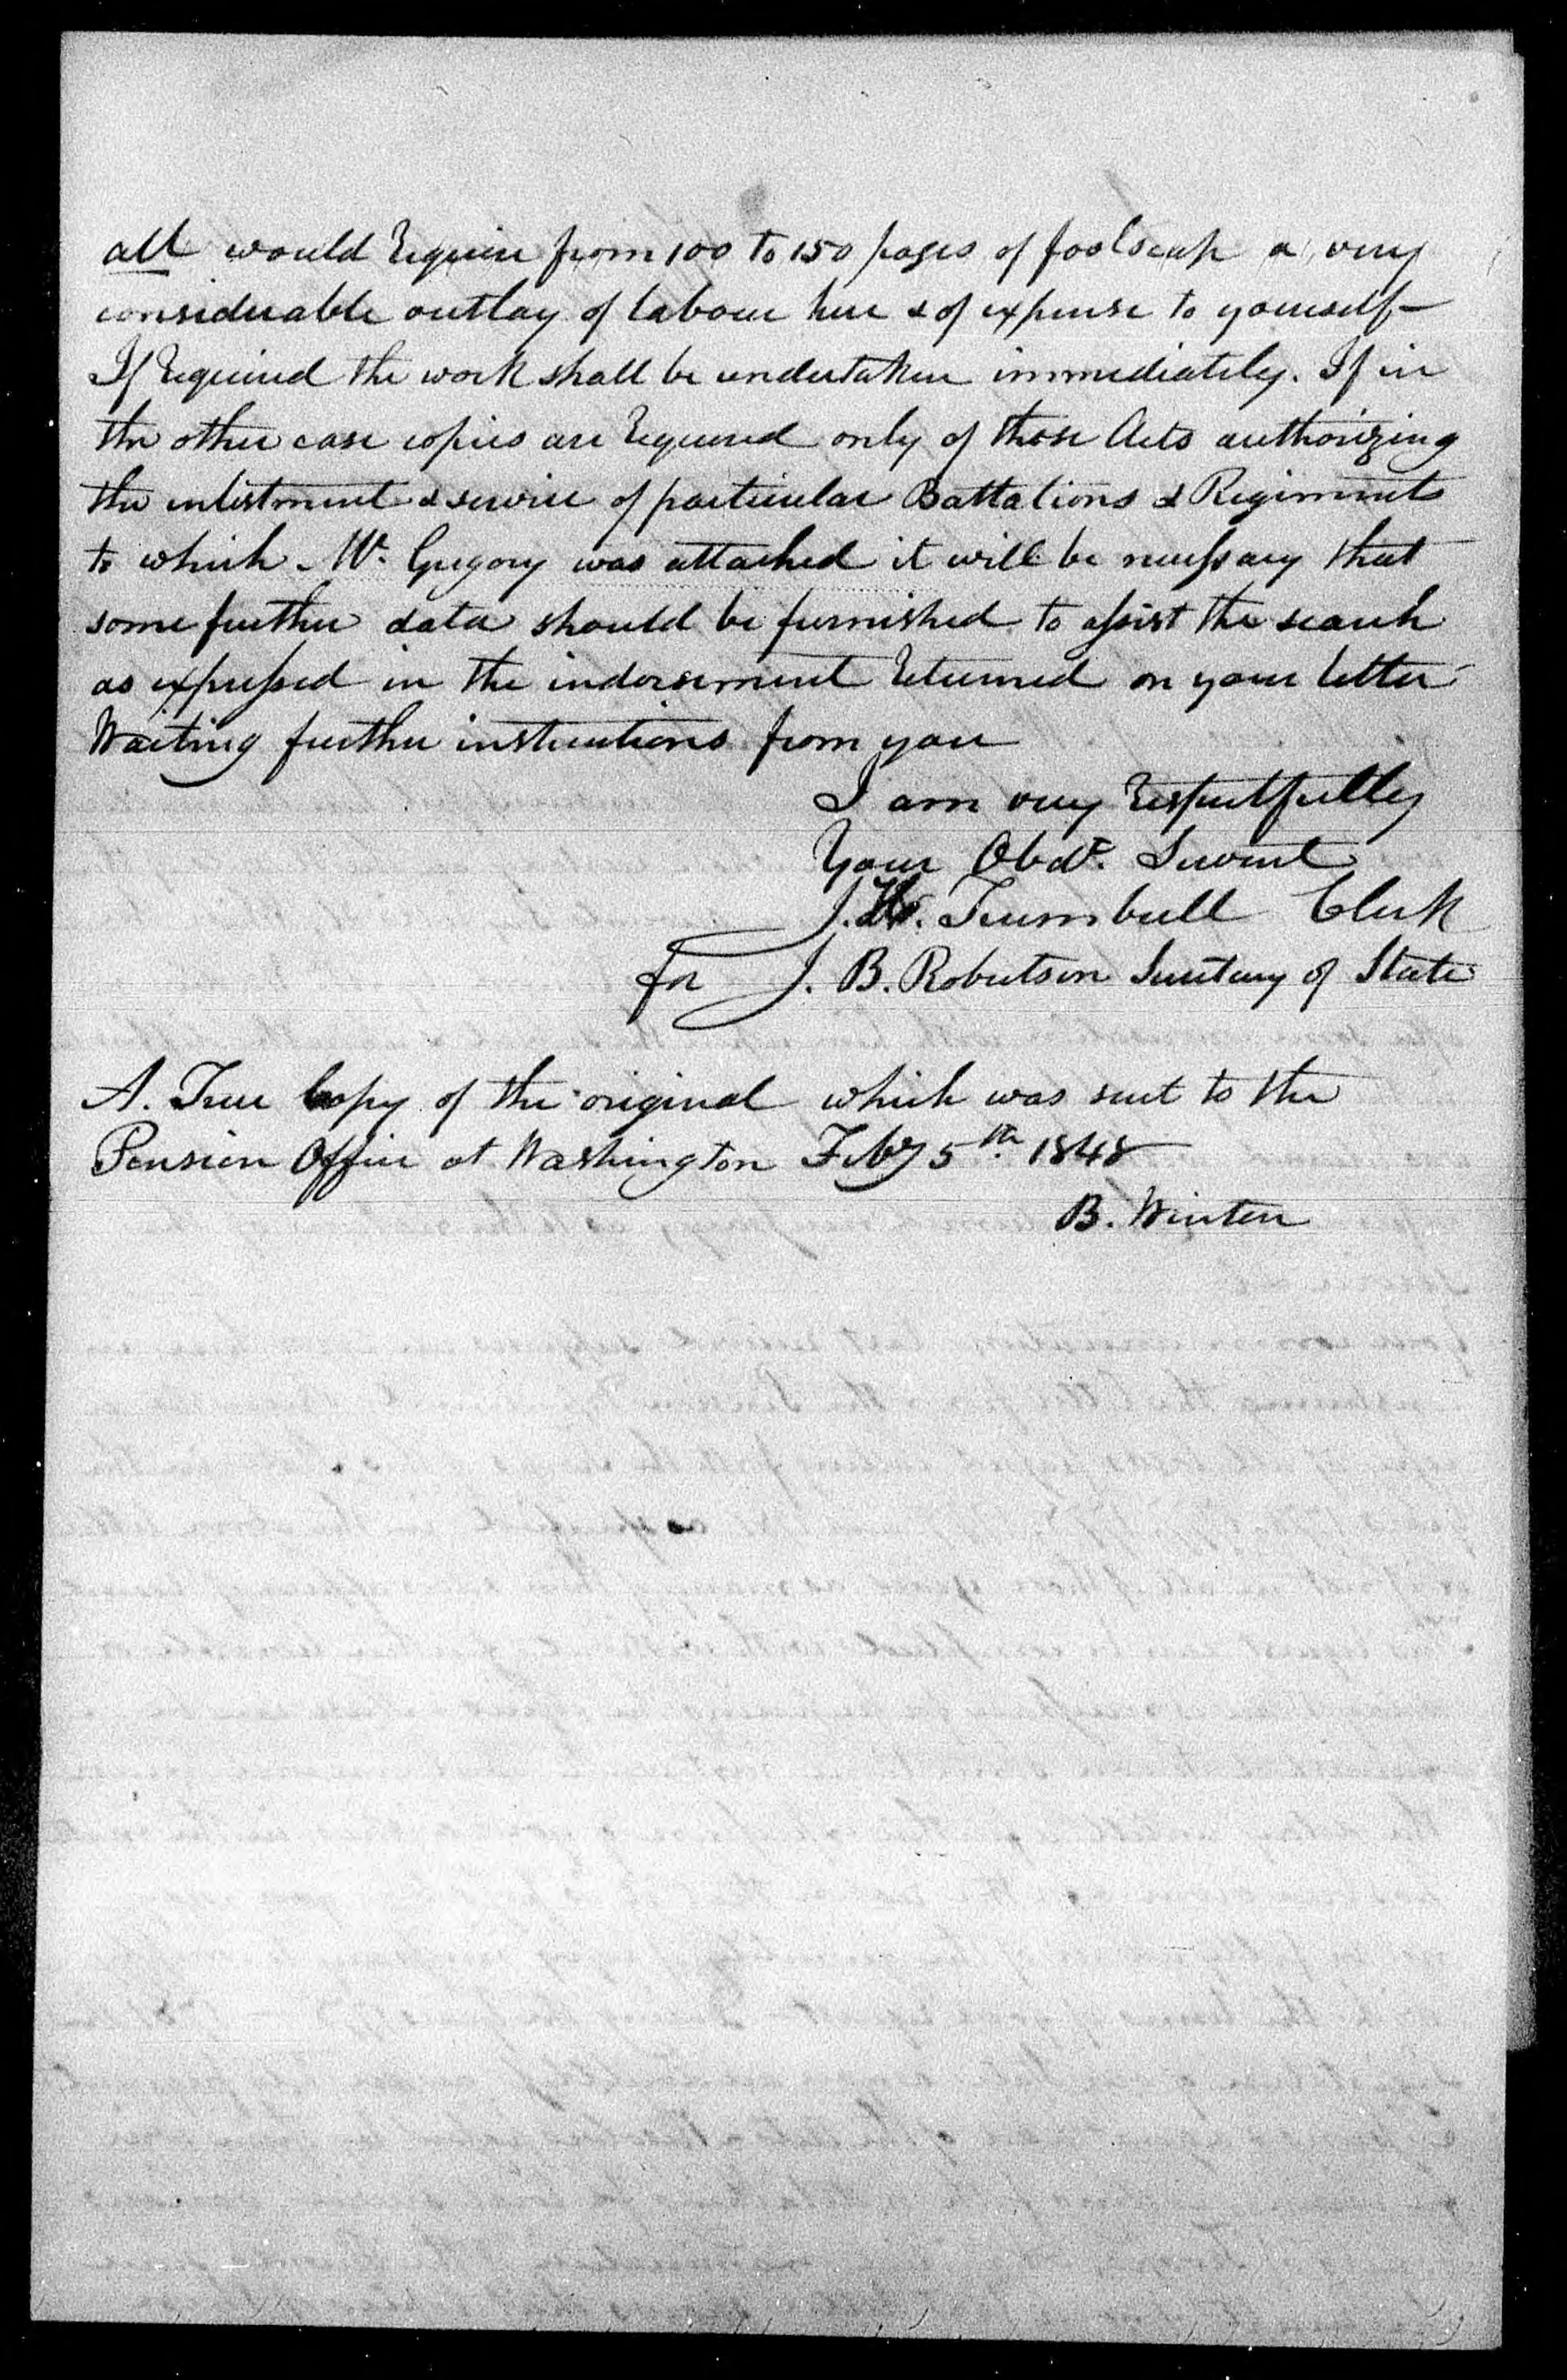all would Require from 100 to 150 pages of [illegible] a very considerable outlay of labour here & of expense to yourself.  If Required the work shall be undertaken immediately.  If in the other case copies are Required only of those Acts authorizing the enlistment & service of particular Battalions & Regiments to which Mr. Gregory was attached it will be necessary that some further data should be furnished to assist the search as expressed in the indorsement returned on your letter  Waiting further instructions from you

I am very Respectfully
Your Obdt Servant
J. H. Trumbull Clerk
for J. B Robertson Secretary of State

A True Copy of the original which was sent to the Pension Office at Washington Feby 5th 1848
B. Winton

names: J B Robertson, B Winton, Gregory, J W Trumbull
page: 32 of 49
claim: widow's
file: W 24308, Josiah Gregory, Conn.